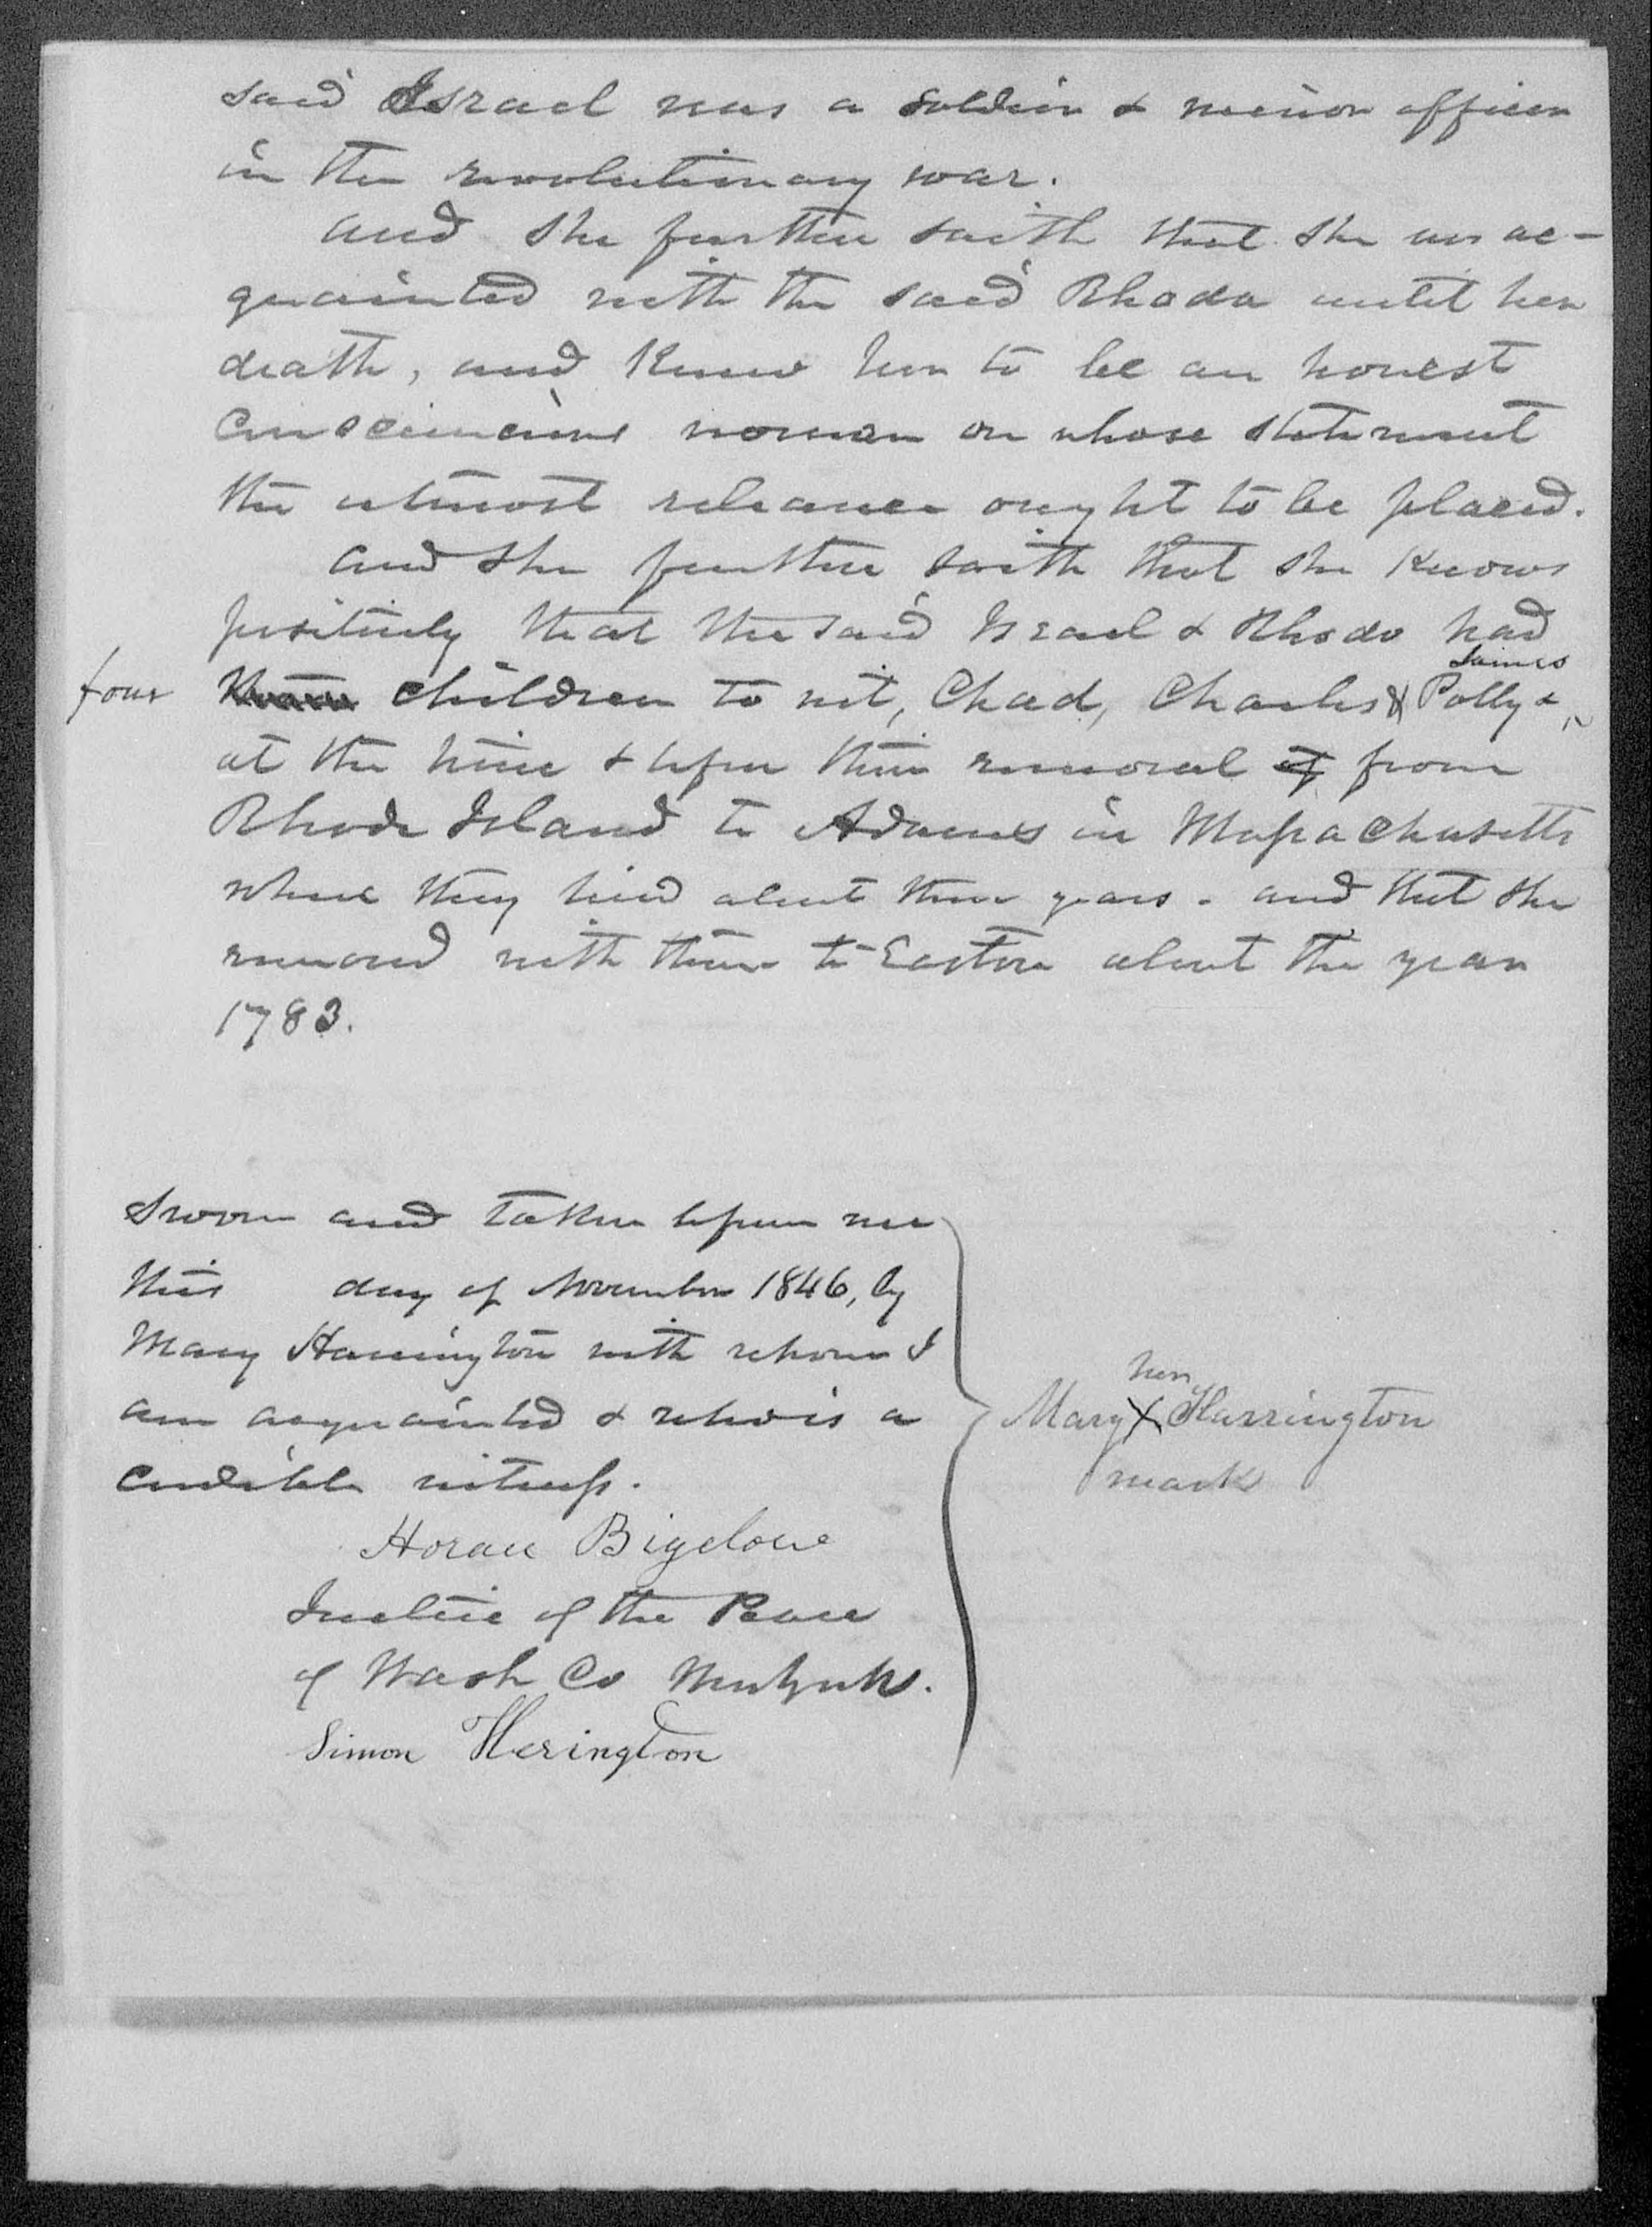said Israel was a soldier & [illegible] officer in the revolutionary war.

And she further saith that she was acquainted with the said Rhoda until her death, and knew her to be an honest consciencious [conscientious] woman on whose statement the utmost reliance ought to be placed.

And she further saith that she knows positively that the said Israel & Rhoda had four children to wit, Chad, Charles & Polly & James at the house & before their removal from Rhode Island to Adams in Massachusetts where they lived above three years, and that their removal with them to Easton about the year 1783.


Sworn and taken before me this [blank] day of March 1846, by Mary Harrington with whom I am acquainted & who is a credible witness.
Horace Bigelow
Justice of the Peace of Wash Co [County] New York
Simon Herington [Harrington]

Mary Harrington
x her mark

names: Mary Harrington, Rhoda, Chad, James, Polly, Israel, Rhoda, Mary Harrington, Charles, Israel, Simon Herington, Horace Bigelow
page: 42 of 51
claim: widow's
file: W. 19,026, Israel Harrington, R.I.